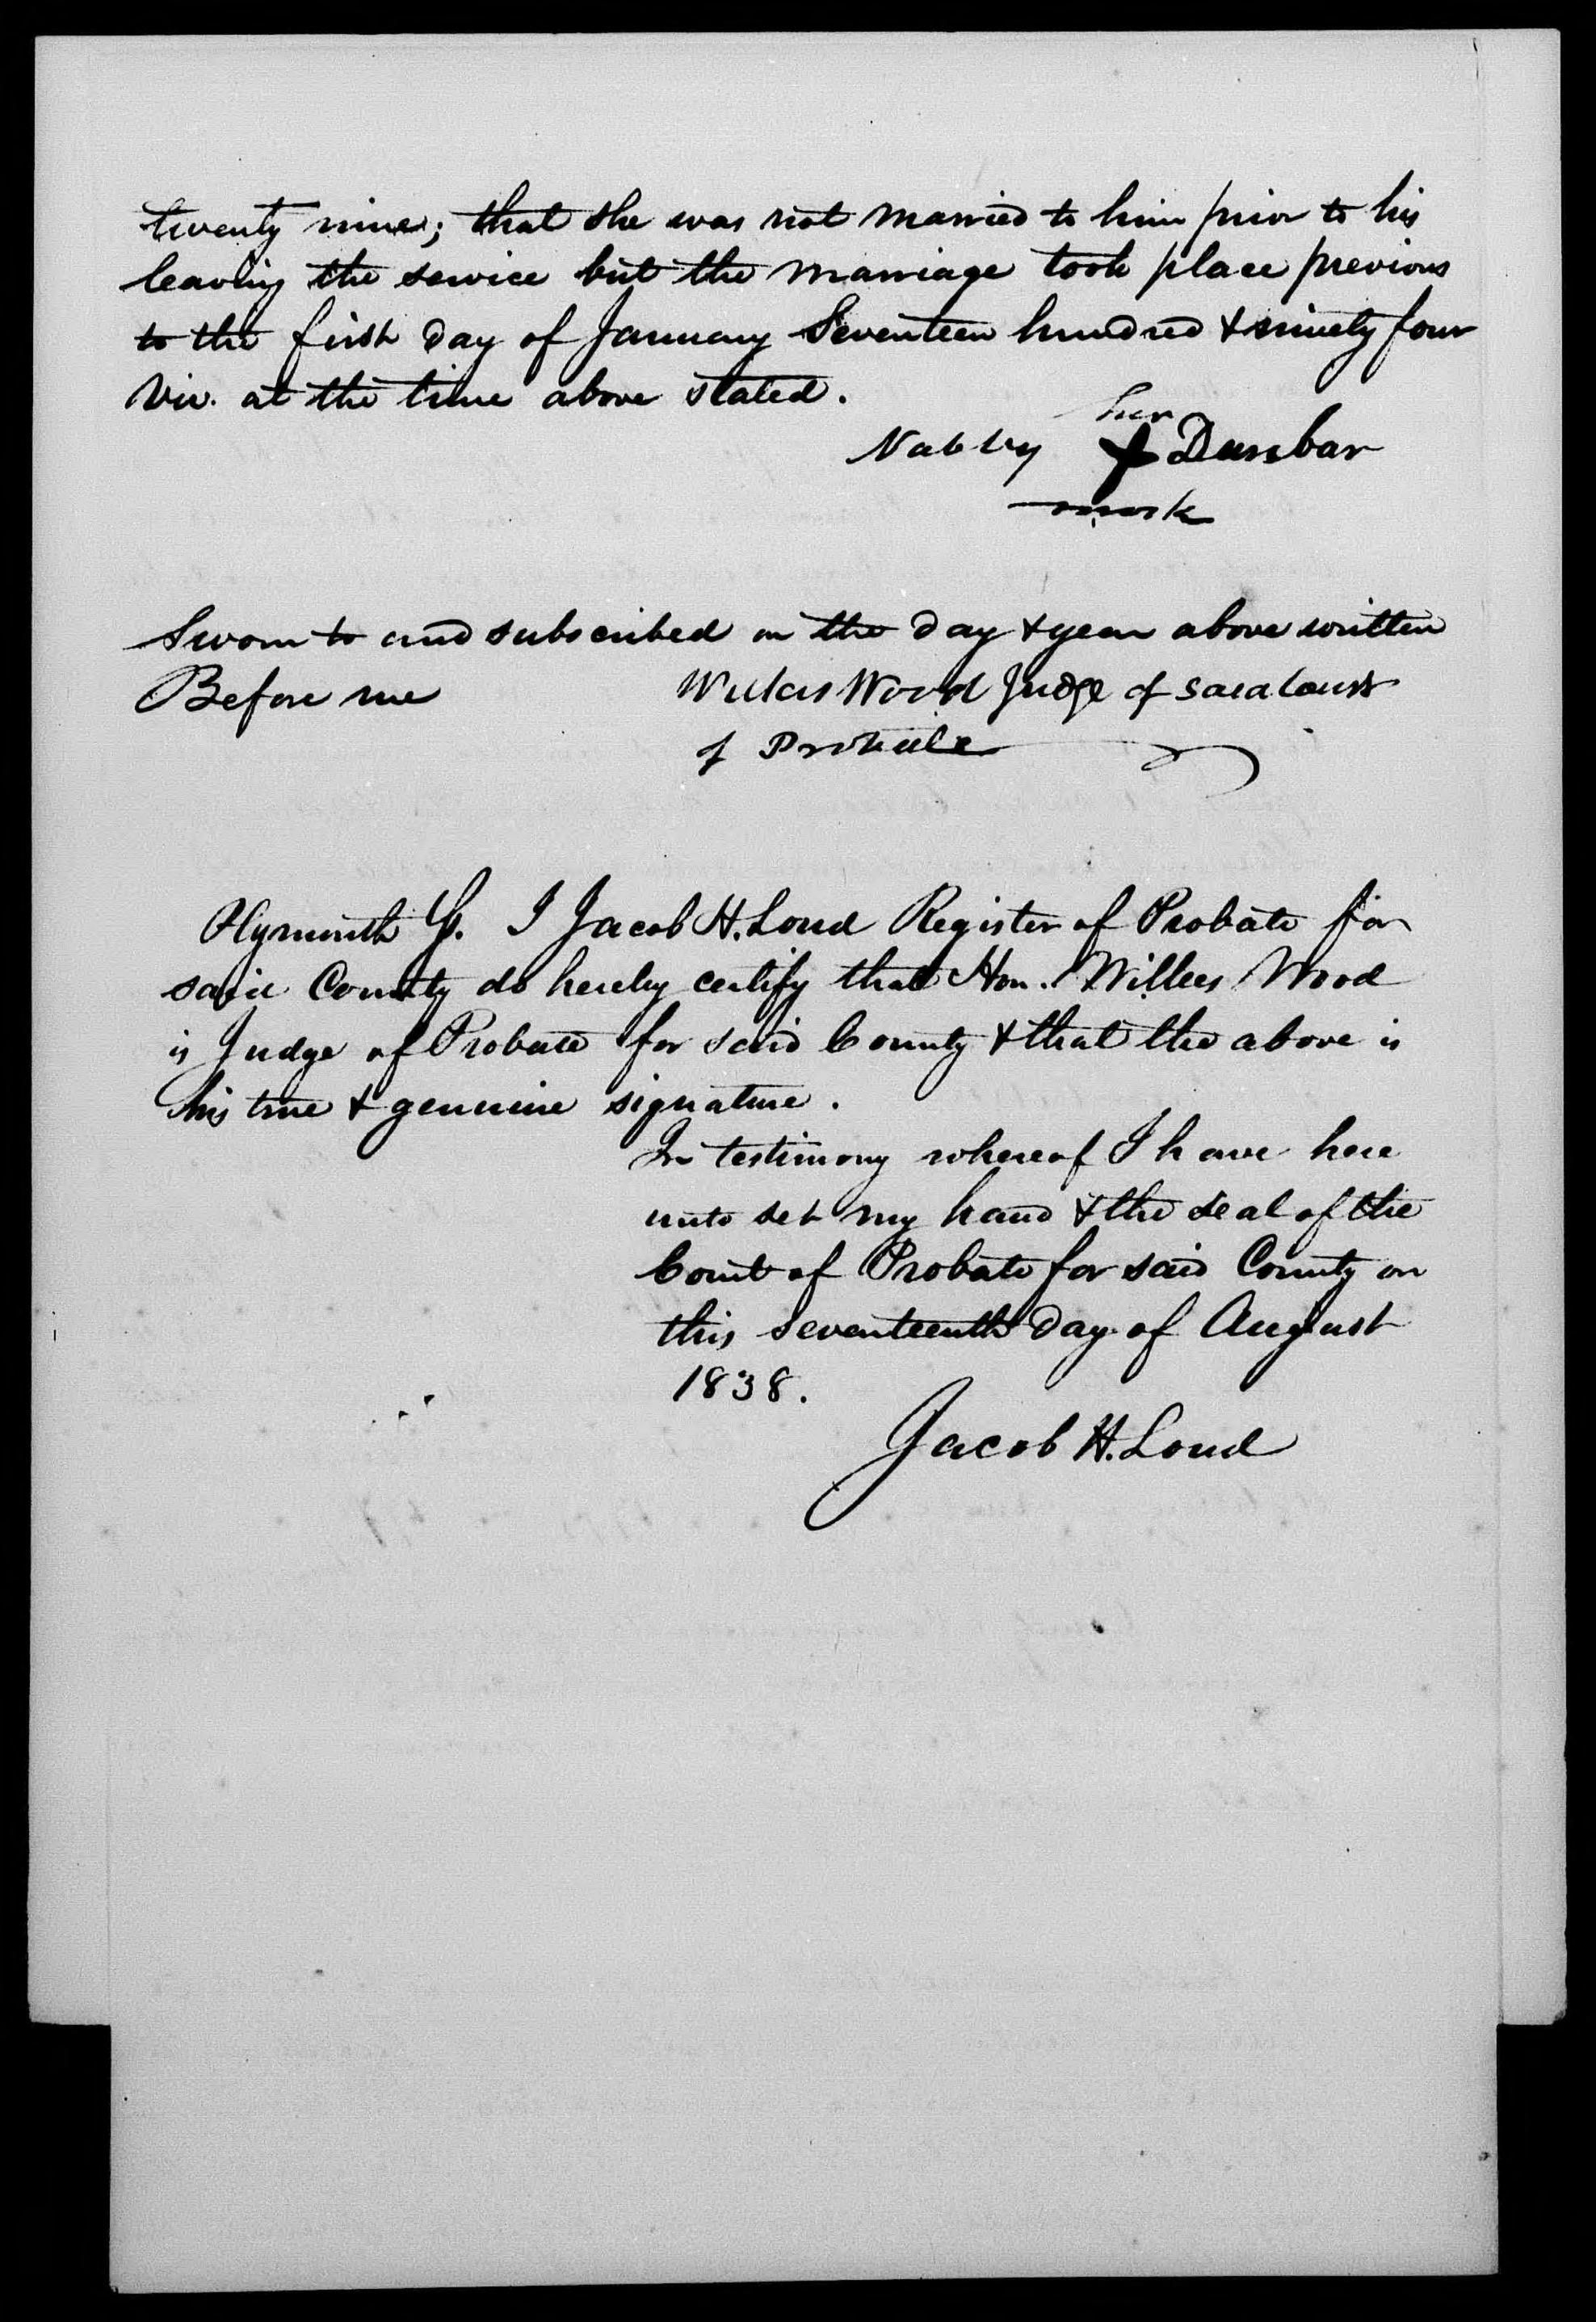twenty nine; that she was not married to him prior to his leaving the service but the marriage took place previous to the first day of January Seventeen hundred and ninety four viz. at the time above stated.

Nabby Dunbar her X mark

Sworn to and subscribed on the day and year above written 
Before me
Wilkes Wood Judge of said Court of Probate

Plymouth ss.   I Jacob H. Loud Register of Probate for said County do hereby certify that Hon.  Wilkes Wood is Judge of Probate for said County and that the above is his true and genuine signature.

In testimony whereof I have hereunto set my hand and the seal of the Court of Probate for said County on his seventeenth day of August 1838.

Jacob H. Loud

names: Jacob H Loud, Nabby Dunbar, Wilkes Wood, Wilkes Wood, Jacob H Loud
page: 6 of 26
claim: widow's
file: W. 14657, Melzar Dunbar, Mass.